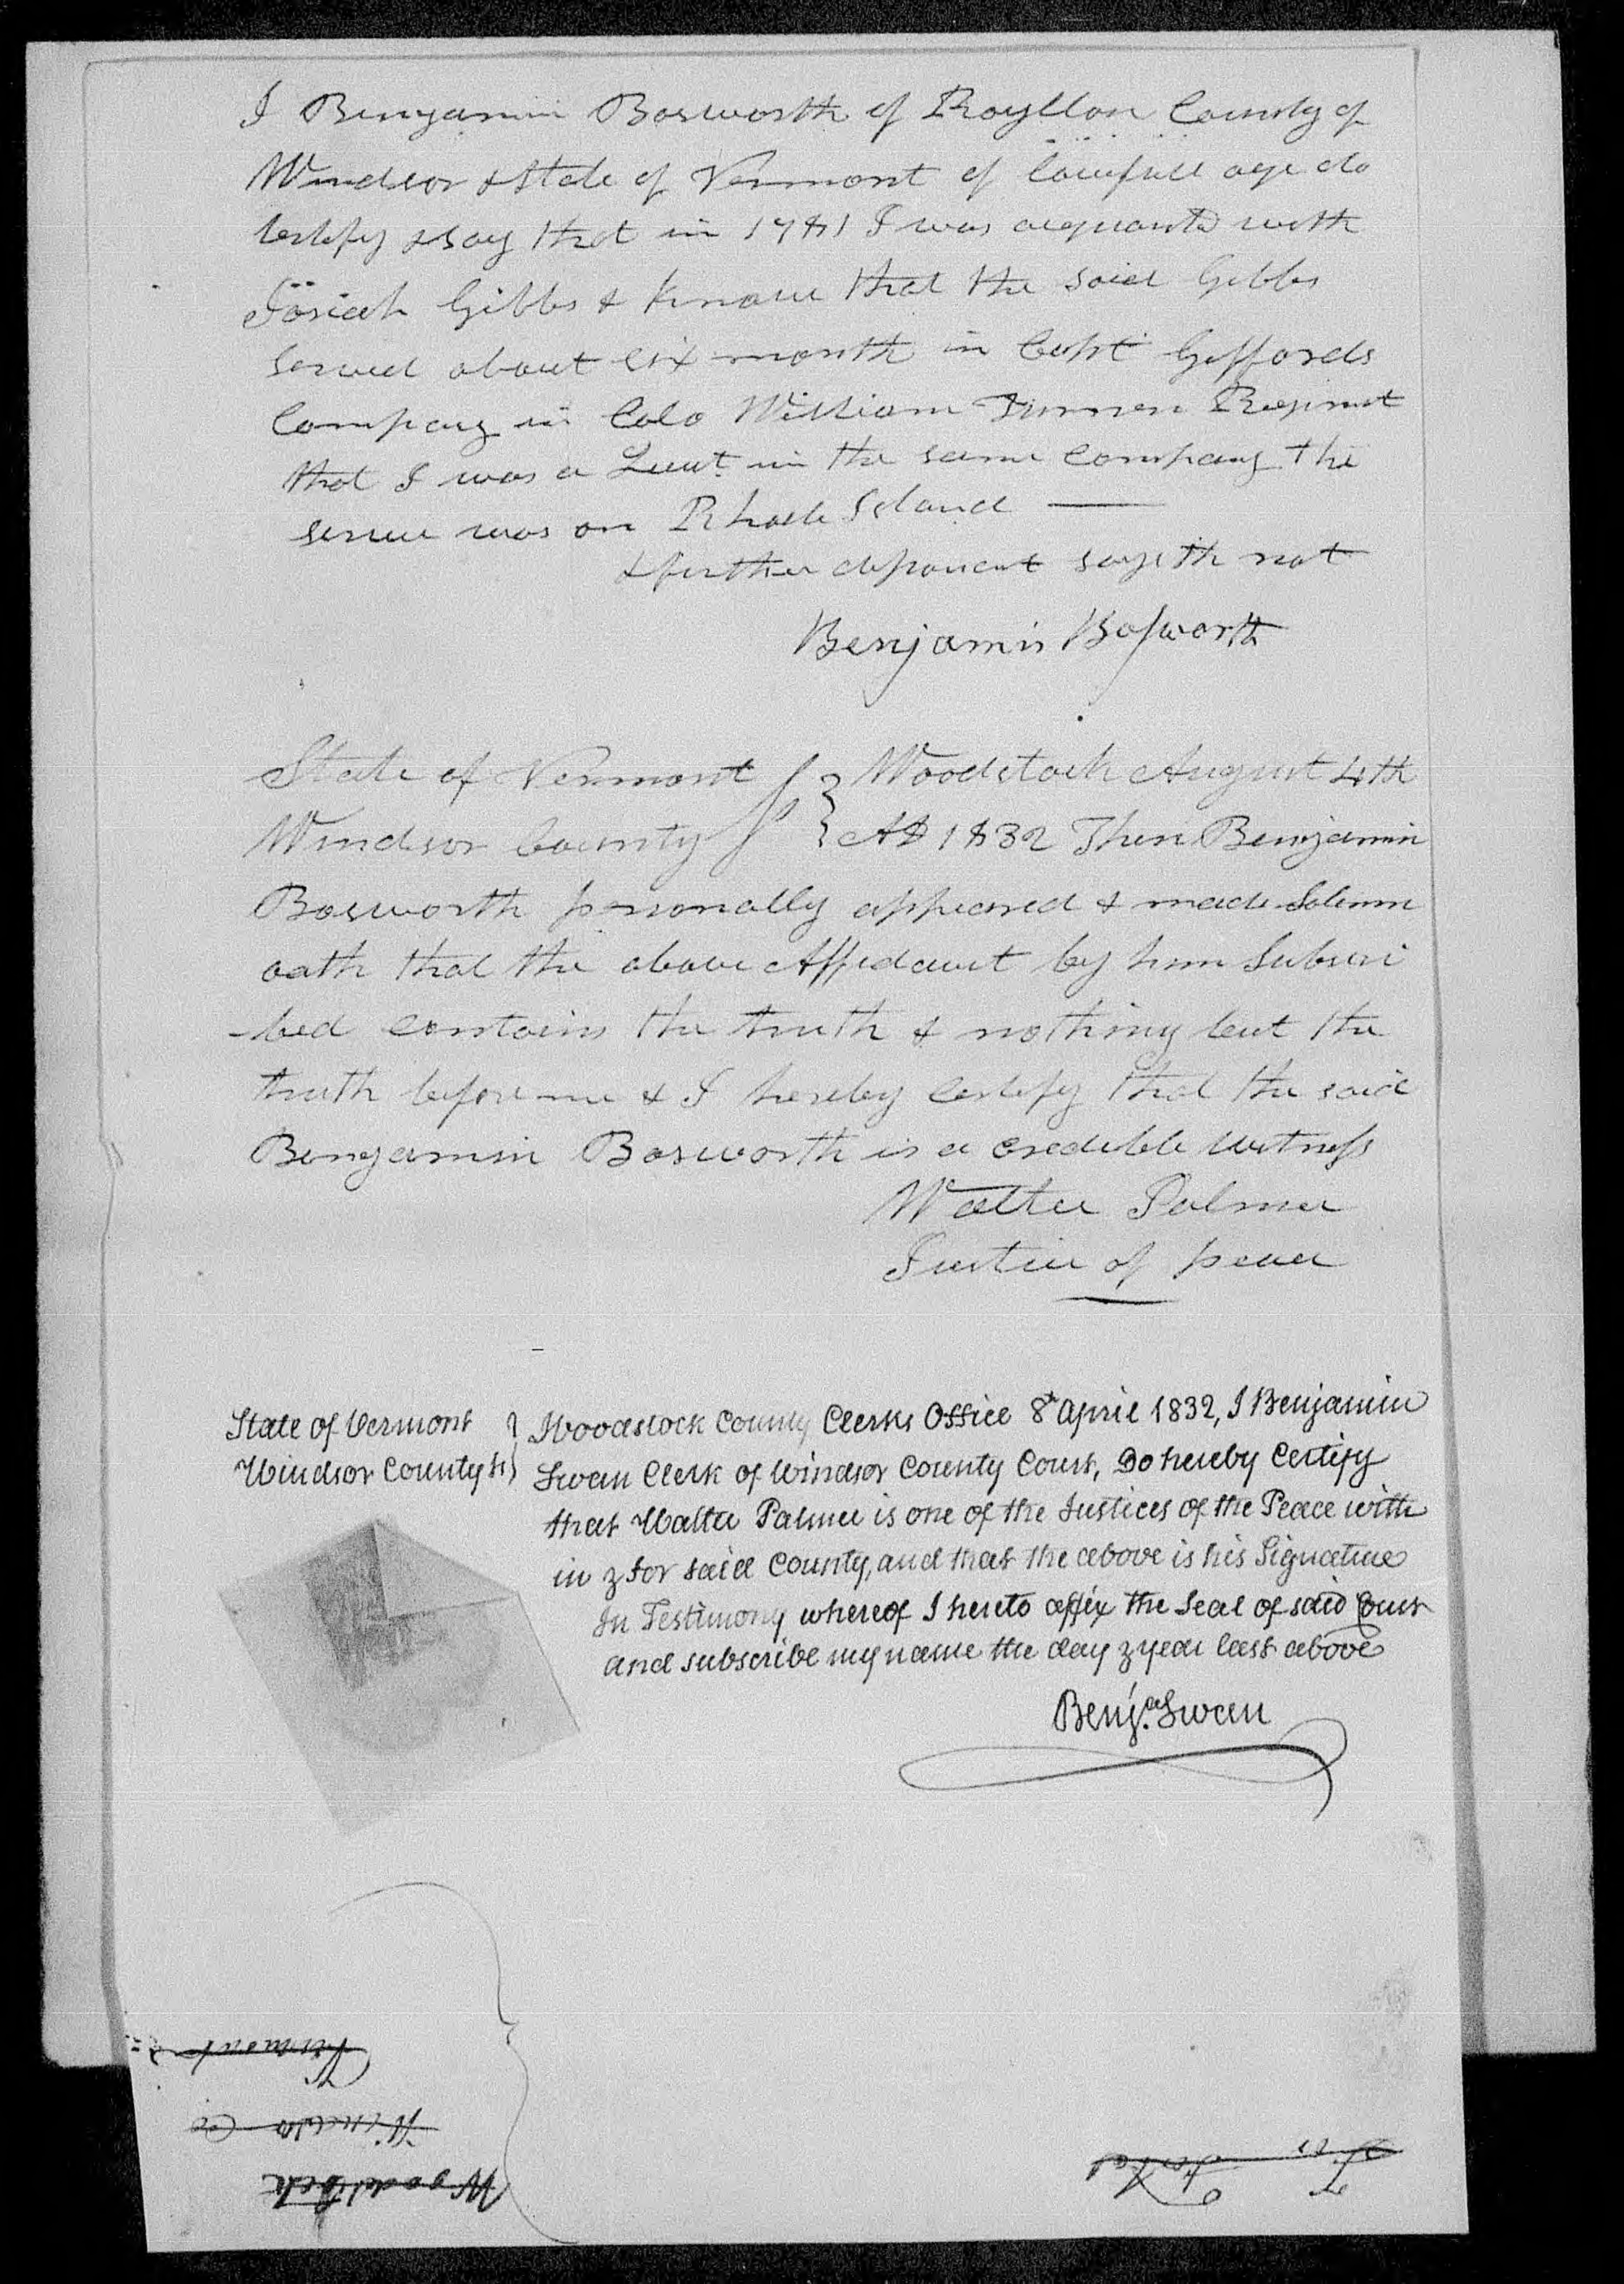I Benjamin Bosworth of Royalton County of
Windsor & State of Vermont of lawful age do
certify & say that in 1781 I was acquainted with Josiah Gibbs & know that the said Gibbs
served about six month in Capt Giffords
Company in Colo William Turners Regiment that I was a Lieut in the same company the
service was on Rhode Island- & further deponent sayeth not
Benjamin Bosworth

State of Vermont } 
Windsor County ss ⎬ 
Woodcock August 4th AD 1832 
Then Benjamin Bosworth personally appeared & made Solemn oath that the above Affidavit by him subscribed contains the truth & nothing but the truth before me & I hereby certify that the said Benjamin Bosworth is a credible witness
Walter Palmer  Justice of peace

State of Vermont   }
Windsor County ss }
Woodstock County Clerks Office 8 April 1832, I Benjamin Swan Clerk of Windsor County Court, Do hereby certify that Walter Palmer is one of the Justices of the Peace with in for said County, and that the above is his signature
In Testimony whereof I hereto affix the seal of said our and subscribe my name the day year last above
Benj'n Swan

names: Benja Swan, Benjamin Swan, Josiah Gibbs, Benjamin Bosworth, Walter Palmer, Walter Palmer, Benjamin Bosworth, Benjamin Bosworth, Benjamin Bosworth, Gibbs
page: 28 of 33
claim: widow's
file: W. 4681, Josiah Gibbs, Mass